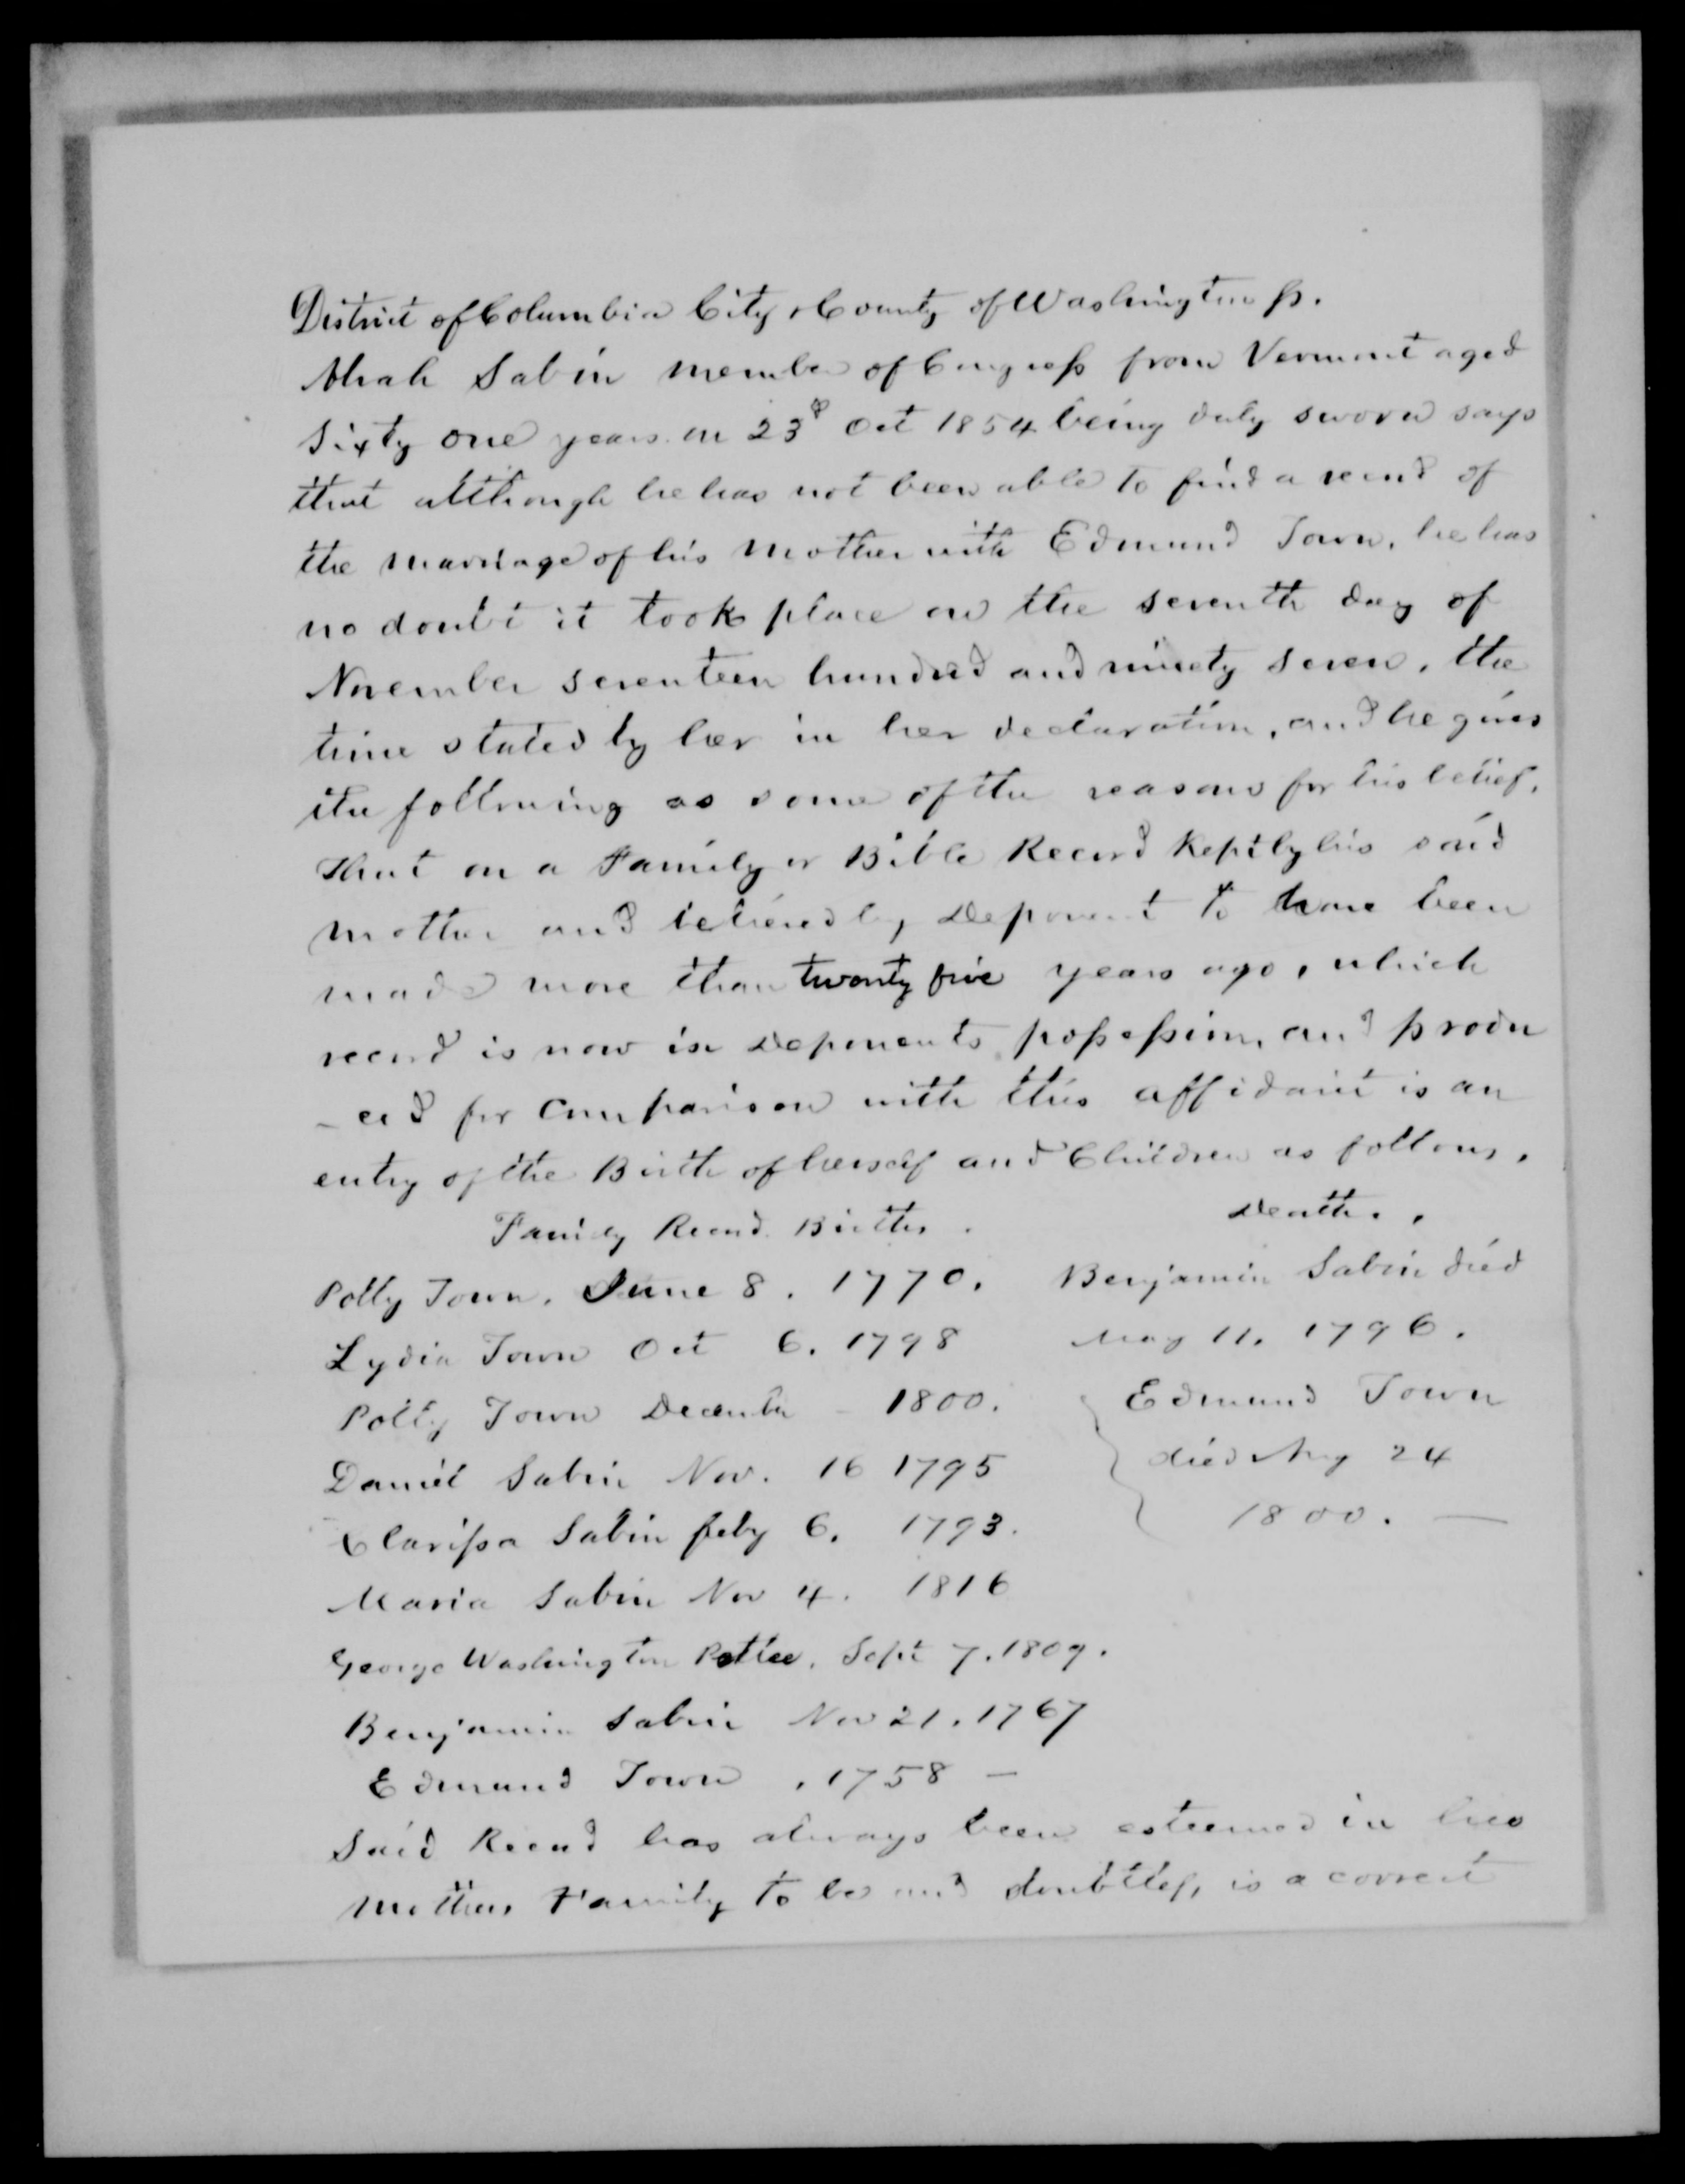District of Columbia, City & County of Washington SS
Alvah Sabin member of Congress from Vermont aged sixty one years on 23d oct 1854 being duly sworn says that although he has not been able to find a record of the marriage of his mother with Edmond Town he has no doubt it took place on the seventh day of November seventeen hundred and ninety seven, the time stated by her in her declaration and he give the following as some of the reasons for his belief. That in a Family or Bible Record kept by his said mother and believes deponent to have been made more than twenty five years ago, which record is now in deponents possession and produced for comparison with this affidavit is an entry of the Birth of herself and children as follows:
Family Record Births
Polly Town, June 8 1770
Lydia Town Oct. 6, 1798
Polly Town December  1800
Daniel Sabin Nov. 16 1795
Clarissa Sabin Feby 6, 1793
Maria Sabin Nov. 4 1816
George Washington Potise Sept 7 1807
Benjamin Sabin Nov 21, 1767
Edmund Town 1758
Said Record has always been esteemed in his mother's family to be and doubtly is a correct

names: Polly Town, Maria Sabin, Benjamin Sabin, Daniel Sabin, Alvah Sabin, Edmund Town, George Washington, Edmund Town, Benjamin Sabin, Polly Town, Edmund Town, Clarissa Sabin, Lydia Town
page: 7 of 64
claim: widow's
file: W. 5831, Edmund Town, Mass.